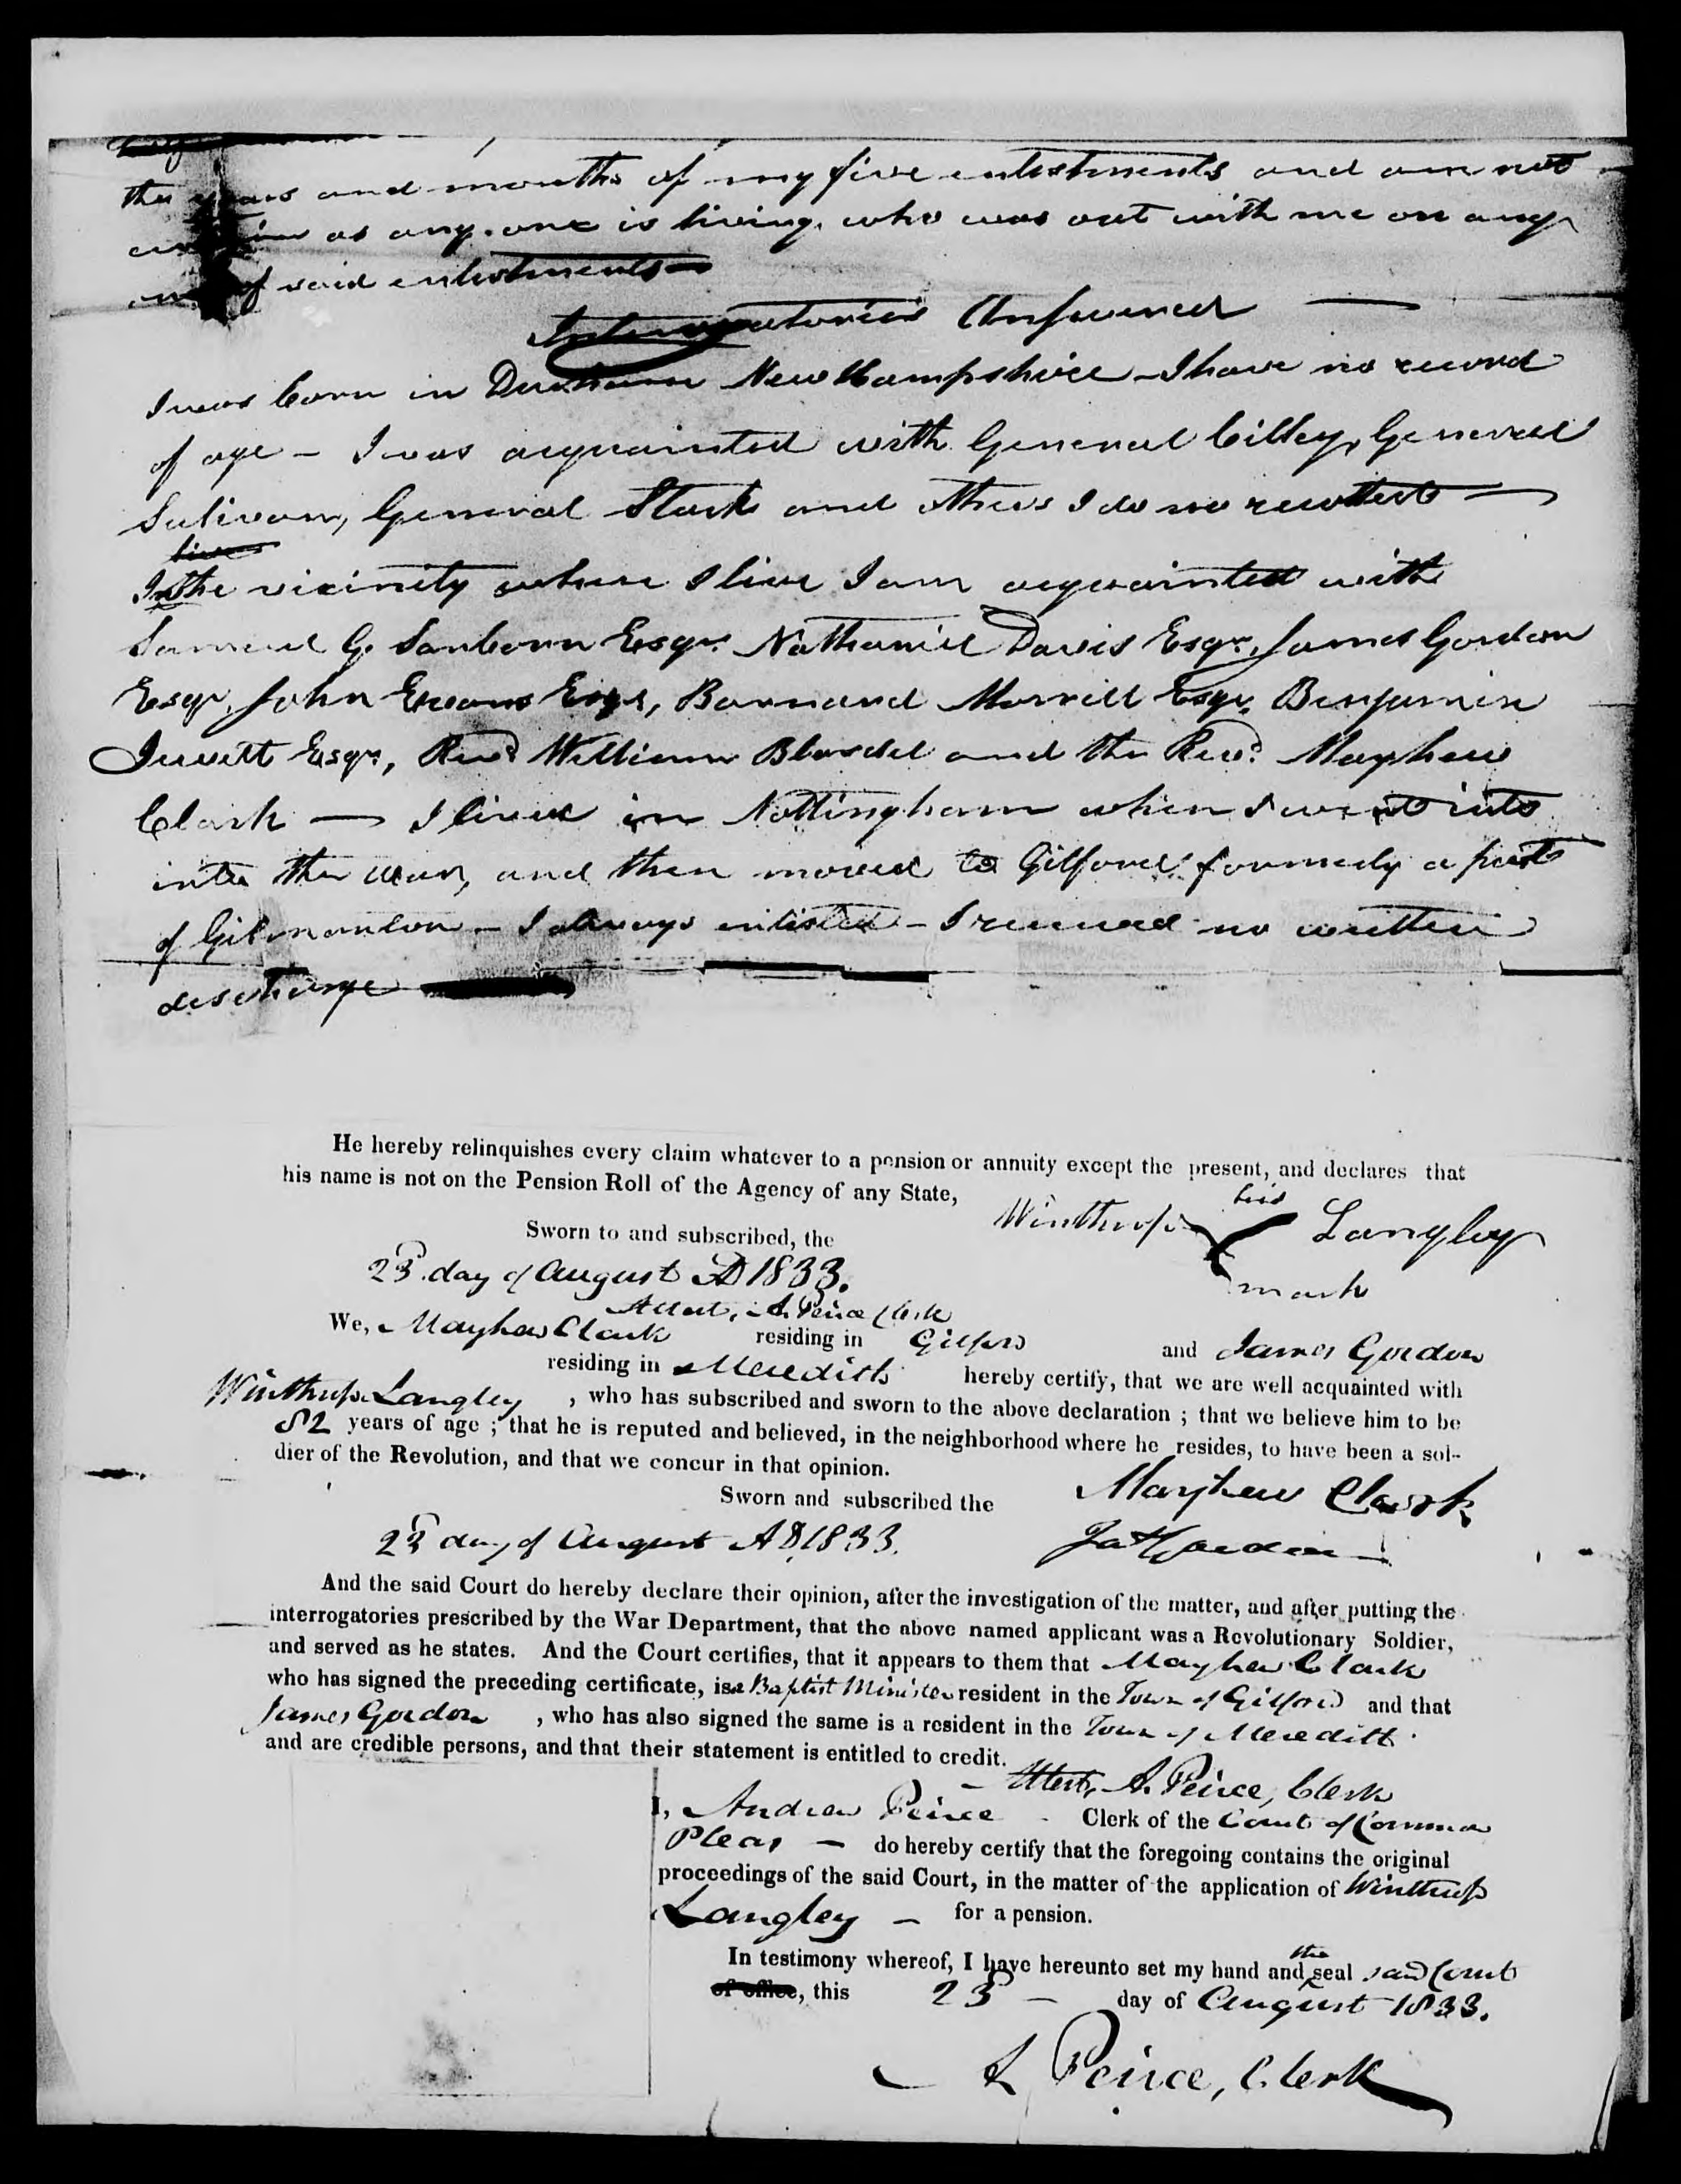of my said enlistments.

Interrogatories Answered

I was born in Durham New Hampshire. I have no record of age.

I was acquainted with General Gilley, General Sullivan, General Stark and others I do not recollect.

In the vicinity where I live I am acquainted with Samuel G. Sanborn Esq., Nathaniel Davis Esq., James Gordon Esqr, John Evans Esqr, Barnard Morrell Esqr, Benjamin Jarrett Esq, Revd William Blasdel and the Revd Mayhew Clark.

I lived in Nottingham when I went into the the war, and then moved to Gilford , formerly a part of Gilmanton.  

I always enlisted; I received no written discharge

He hereby relinquishes every claim whatever to a pension or annuity except the present, and declares that his name is not on the Pension Roll of the Agency of any State,

Winthrop Langley (his mark)

Sworn to and subscribed, the 23d day of August AD 1833

Attest, A Pence, Clerk

We, Mayhew Clark residing in Gilford and James Gordon residing in Meredith, 
hereby certify, that we are well acquainted with Winthrop Langley, who has subscribed and sworn to the above declaration; that we believe him to be
82 years of age; that he is reputed and believed, in the neighborhood where he resides, to have been a soldier of the Revolution, and that we concur in that opinion.

Mayhew Clark
Ja Gordon

Sworn and subscribed the 23 day of August AD 1833

And the said Court do hereby declare their opinion, after the investigation of the matter, and after putting the interrogatories prescribed by the War Department, that the above named applicant was a Revolutionary Soldier, and served as he states. And the Court certifies, that it appears to them that Mayhew Clark
who has signed the preceding certificate, is a Baptist Minister resident in the Town of Gilford and that James Gordon, who has also signed the same is a resident in the Town of Meredith, and are credible persons, and that their statement is entitled to credit. 

attest, A Pence, Clerk


I, Andrew Pence, Clerk of the Court of Common Pleas do hereby certify that the foregoing contains the original proceedings of the said Court, in the matter of the application of Winthrop Langley for a pension. In testimony whereof, I have hereunto set my hand and the seal of said Court, this 23rd day of August 1833

A Pence, Clerk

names: James Gordon; Nathaniel Davis; John Evans; Mayhew Clark; Winthrop Langley; Samuel G Sanborn; Barnard Murrill; William Blasdel; Benjamin Jewett; Andrew Peirce; [BLANK] Starks; [BLANK] Cilley; [BLANK] Sulivan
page: 7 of 7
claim: survivor's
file: S. 22874, for Winthrop Langley, New Hampshire